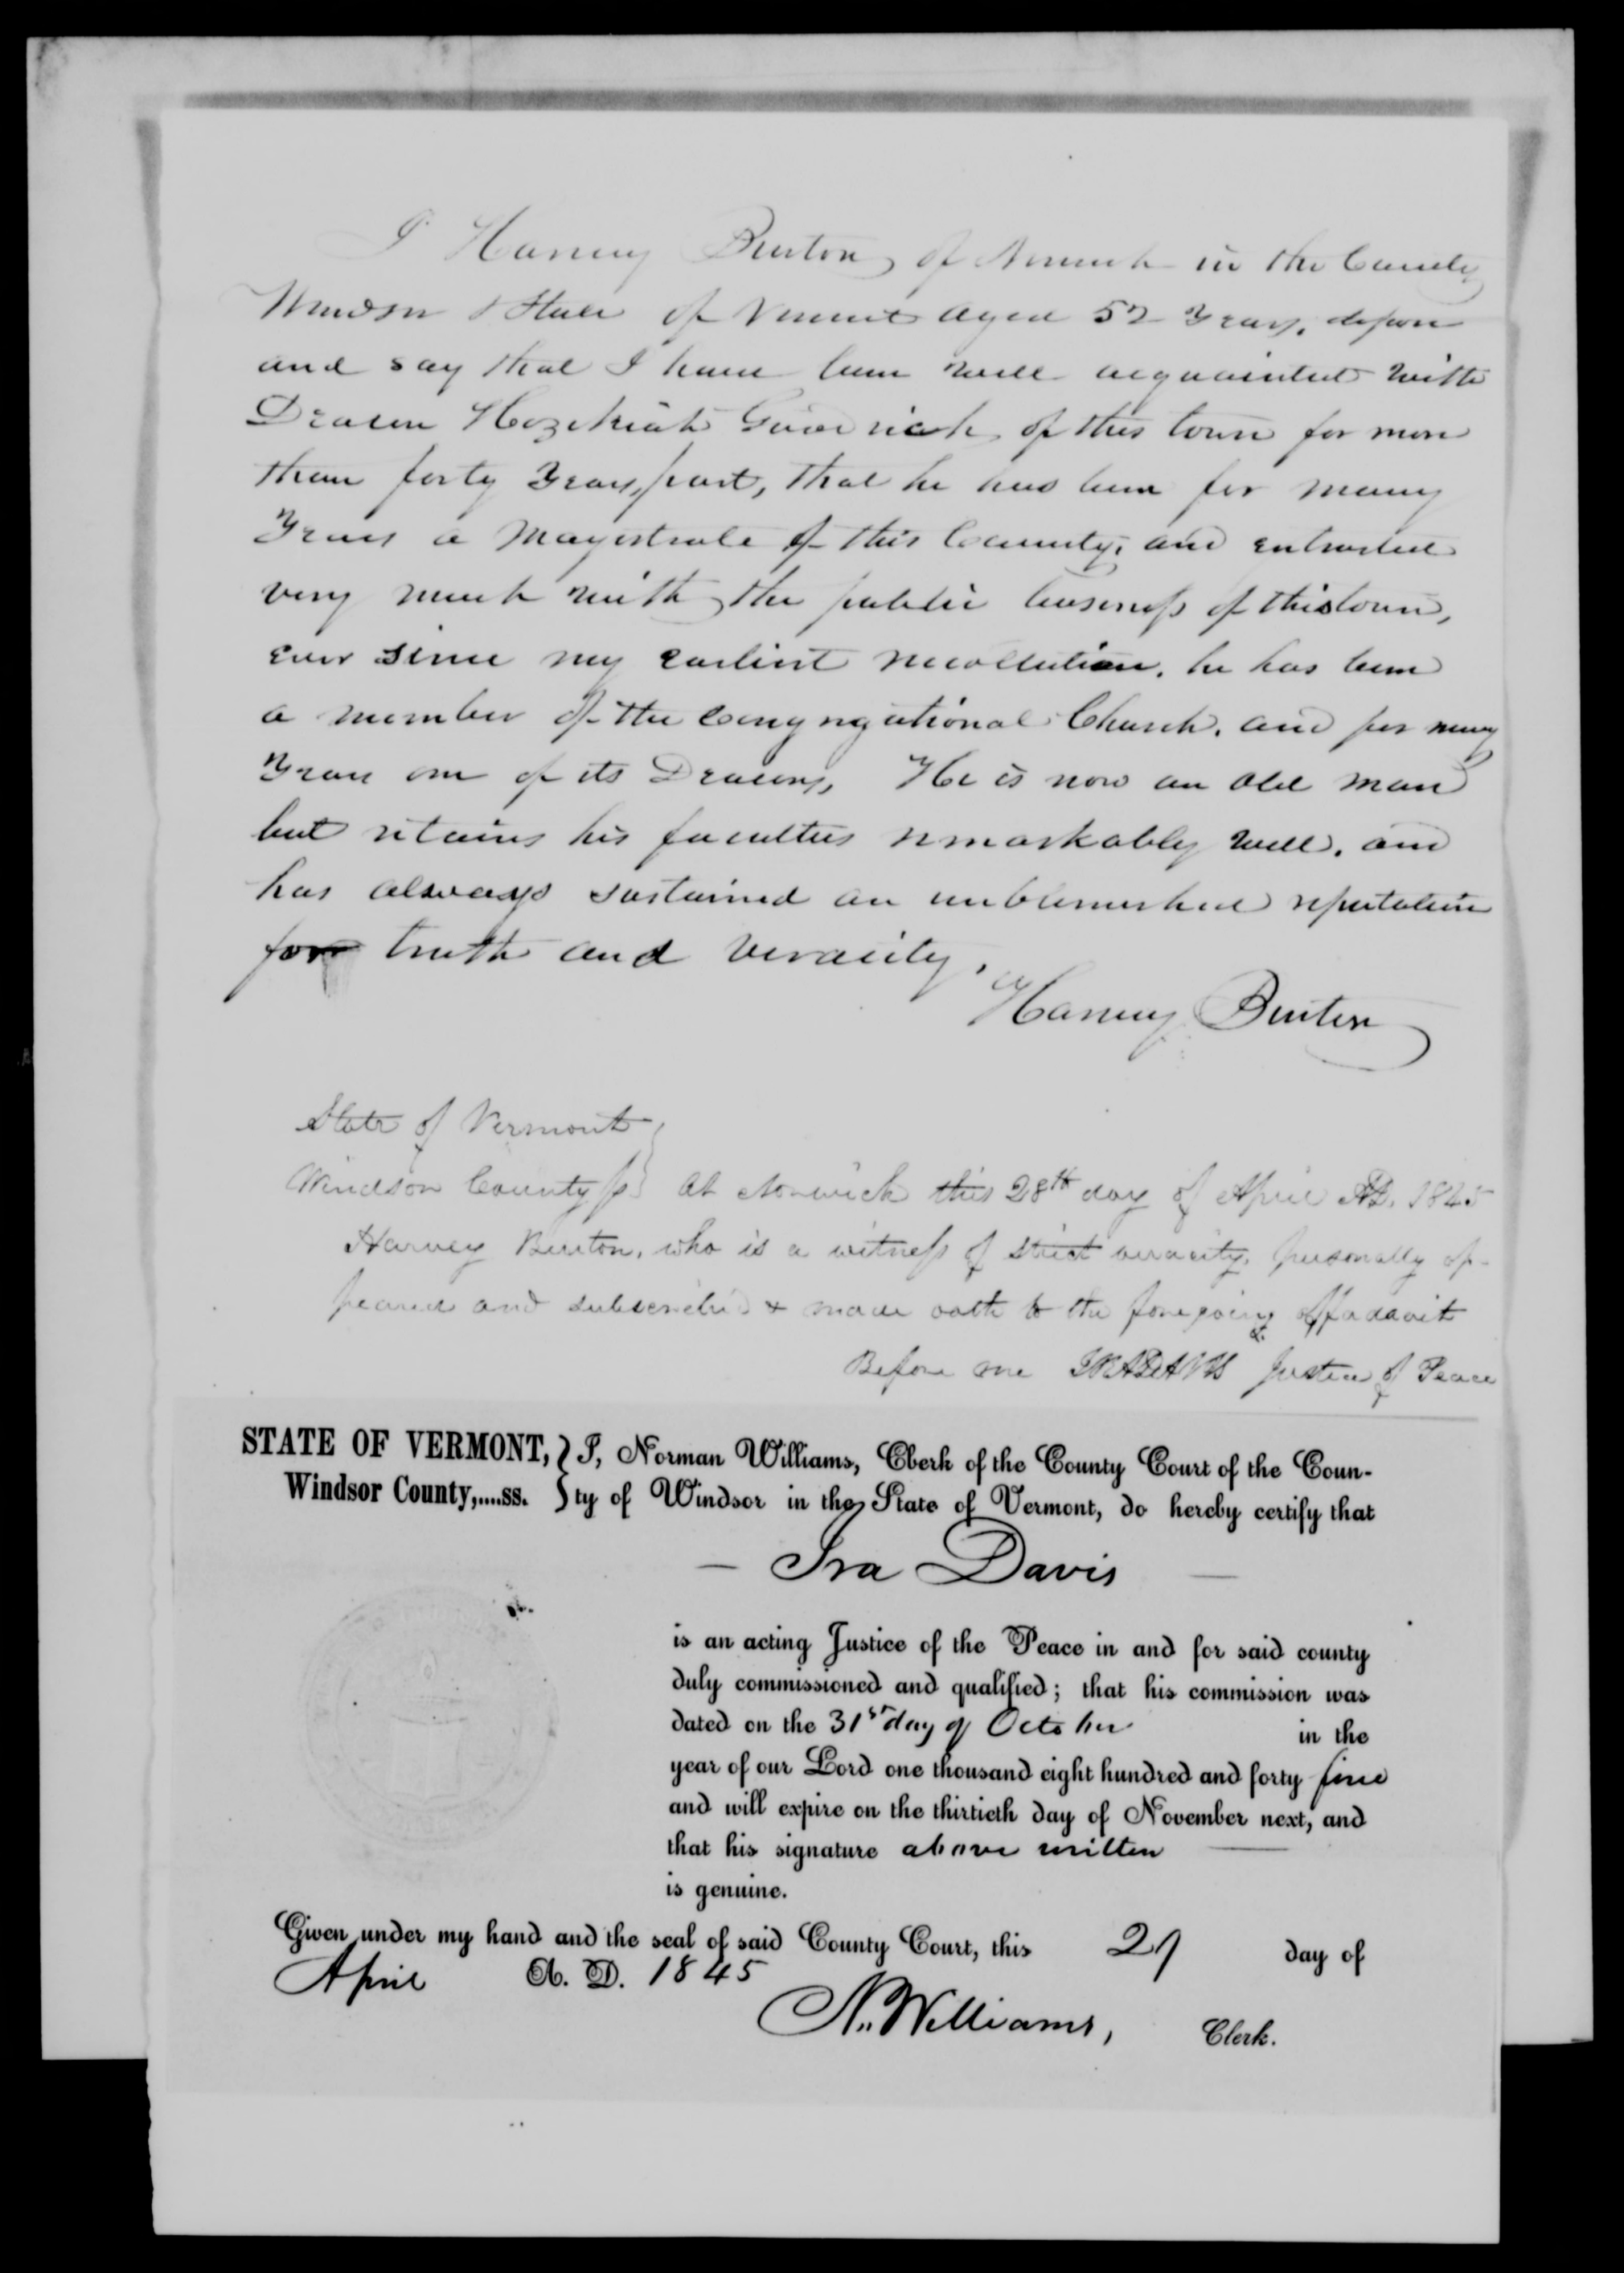I Harry Burton of Norwich in the County
Windsor & State of Vermont aged 52 years depose
and say that I have been well acquainted with
Deacon Hezekiah Goodrich of this town for more
then forty years past, that he has been for many
years a Magistrate of this County, and entrusted
very much with the public business of this town,
ever since my earliest recollection, he has been
a member of the Congregational Church, and for many
years one of its Deacons, He is now an old man
but retains his faculties remarkably well, and
has always sustained an unblemished reputation
for truth and veracity,
Harvey Burton

State of Vermont
Windson County At Norwich this 28th day of April AD 1845
Harvey Burton, who is a witness of strict veracity, personally 
appeared and subscribed & made oath to the foregoing affidavit
Before me, IRA DAVIS Justice of Peace

STATE OF VERMONT
Windsor County, ss. ⎬ I, Norman Williams, Clerk of the County Court of 
the County of Windsor in the State of Vermont, do hereby certify that
Ira Davis is an acting Justice of the Peace in and for said county
duly commissioned and qualified; that his commission was
dated on the 31st day of October in the
year of our Lord one thousand eight hundred and forty five
and will expire on the thirtieth day of November next, and
that his signature above written is genuine.
Given under my hand and the seal of said County Court, this 27 day of
April A. D. 1845
N. Williams
Clerk.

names: Hezekiah Goodrich, Ira Davis, Norman Williams, Harvey Burton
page: 11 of 40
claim: widow's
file: W. 18,426, Abel Wilder, Mass. N.H. Vt.